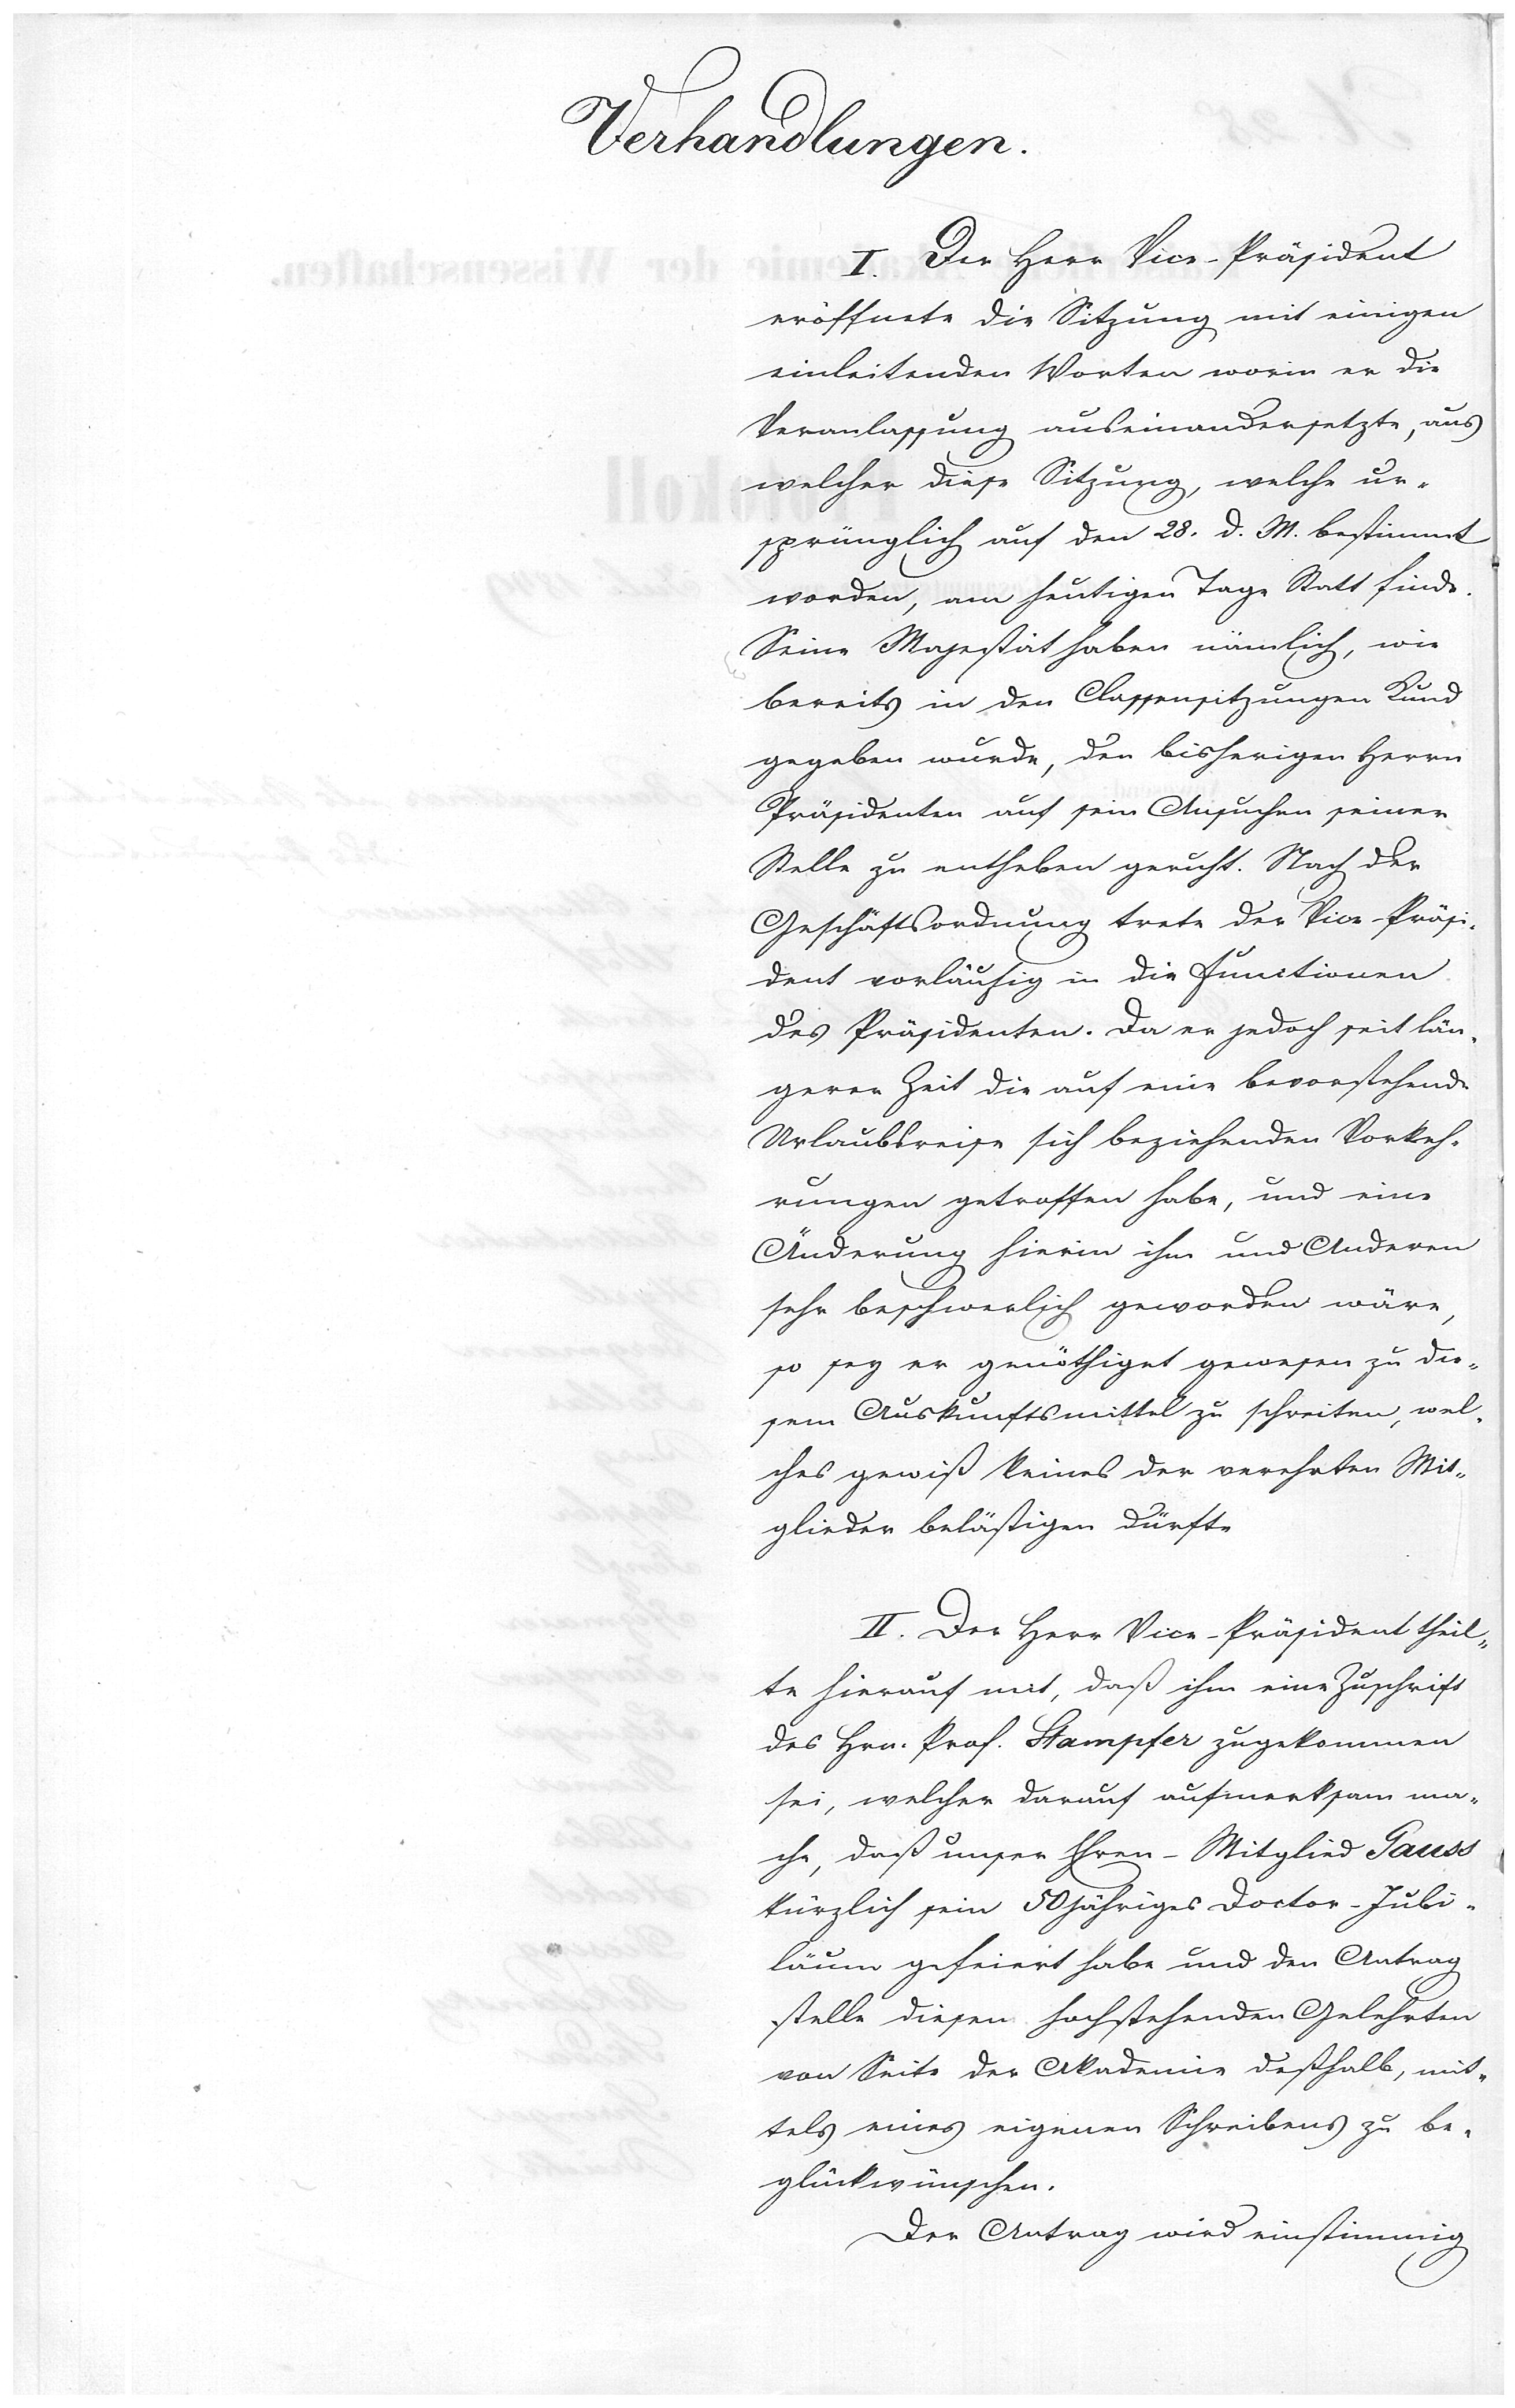Verhandlungen.
I. Der Herr Vice-Präsident
eröffnete die Sitzung mit einigen
einleitenden Worten worin er die
Veranlassung auseinandersetzte, aus
welcher diese Sitzung, welche ur-
sprünglich auf den 28. d. M. bestimmt
worden, am heutigen Tage Statt finde.
Seine Majestät haben nämlich, wie
bereits in den Classensitzungen Kund
gegeben wurde, den bisherigen Herrn
Präsidenten auf sein Ansuchen seiner
Stelle zu entheben geruht. Nach der
Geschäftsordnung trete der Vice-Präsi-
dent vorläufig in die Functionen
des Präsidenten. Da er jedoch seit län-
gerer Zeit die auf eine bevorstehende
Urlaubsreise sich beziehende Vorkeh-
rungen getroffen habe, und eine
Änderung hierin ihm und Anderen
sehr beschwerlich geworden wäre,
so sey er genöthiget gewesen zu die-
sem Auskunftsmittel zu schreiten, wel-
ches gewiß keines der verehrten Mit-
glieder belästigen dürfte.
II. Der Herr Vice-Präsident theil-
te hierauf mit, daß ihm eine Zuschrift
des Hrn. Prof. Stampfer zugekommen
sei, welcher darauf aufmerksam ma-
che daß unser Ehren-Mitglied Gauss
kürzlich sein 50jähriges Doctor-Jubi-
läum gefeiert habe und den Antrag
stelle diesen hochstehenden Gelehrten
von Seite der Akademie deßhalb, mit-
tels eines eigenen Schreibens zu bei-
glückwünschen.
Der Antrag wird einstimmig